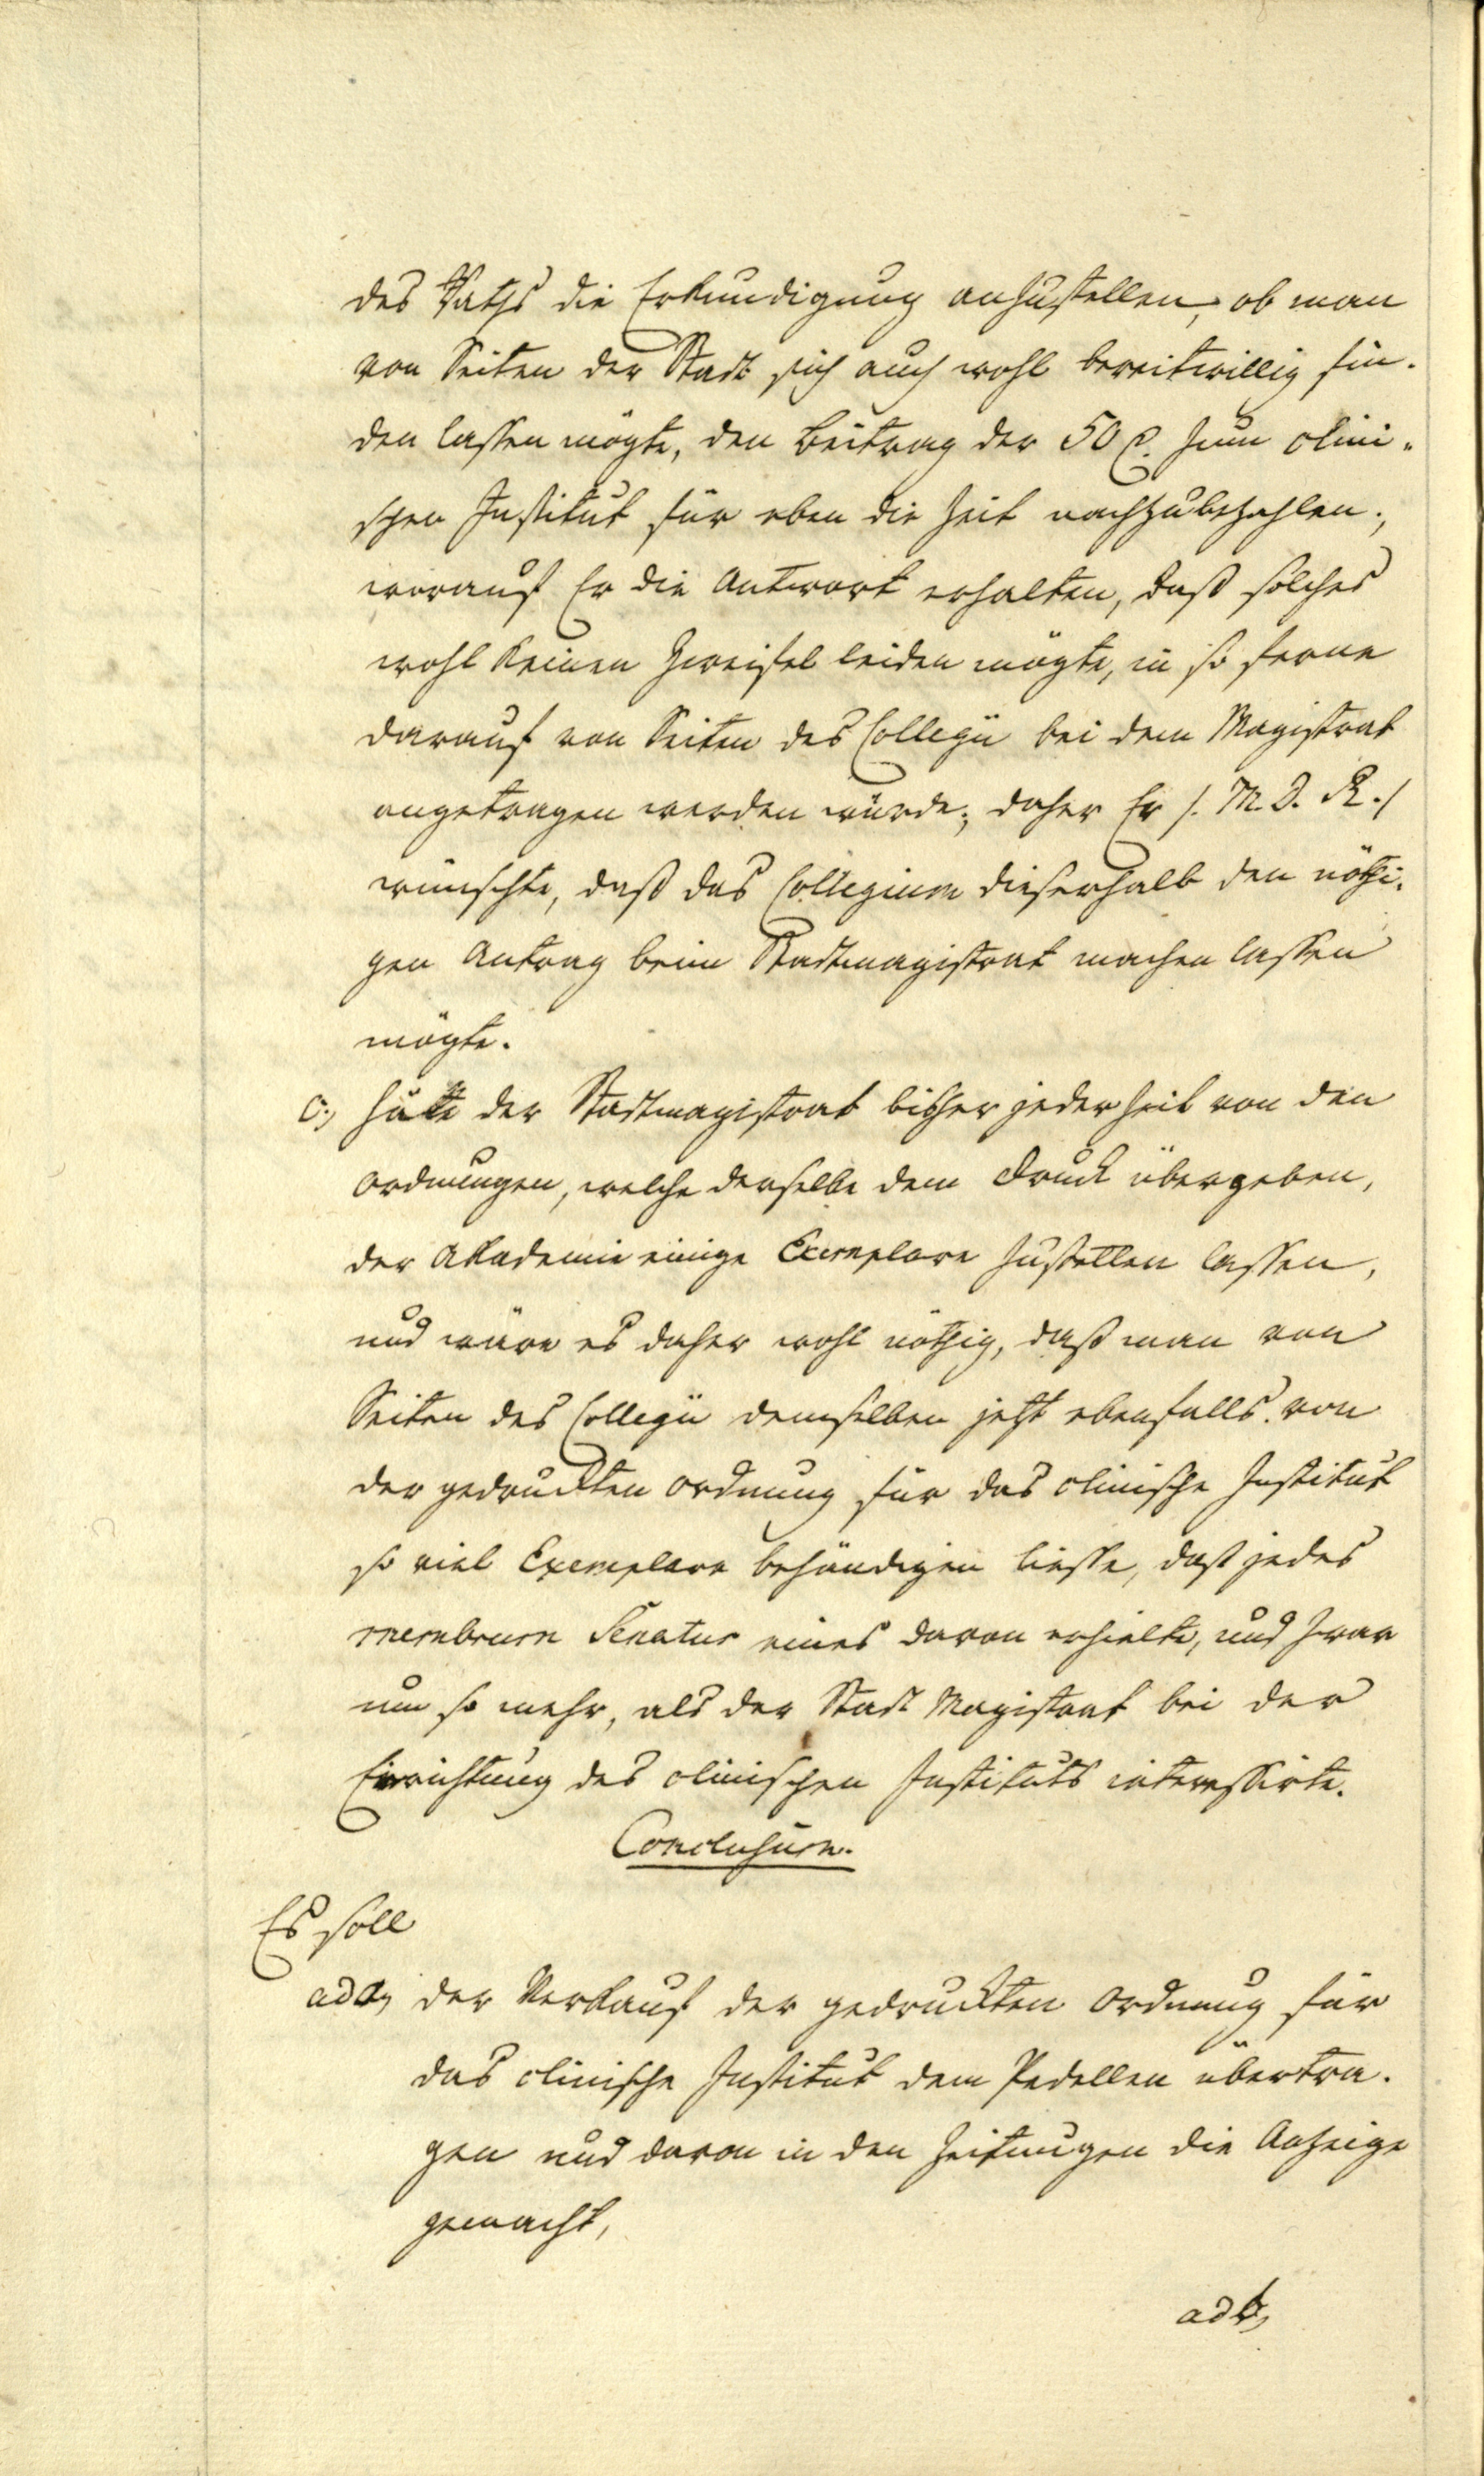des Raths die Erkundigung anzustellen, ob man
von Seiten der Stadt sich auch wohl bereitwillig fin-
den lassen mögte, den Beitrag der 50 l. zum clini¬
chen Institut für eben die Zeit nachzubezahlen;
worauf Er die Antwort erhalten, daß solches
wohl keinen Zweifel leiden mögte, in so ferne
darauf von Seiten des Collegii bei dem Magistrat
angetragen werden würde, daher Er /. M. D. R./
wünschte, daß das Collegium dieserhalb den nöthi¬
gen Antrag beim Stadtmagistrat machen lassen
mögte.
c., hätte der Stadtmagistrat bisher jederzeit von den
Ordnungen, welche derselbe dem Druck übergeben,
der Akademie einige Exemplare zustellen lassen,
und wäre es daher wohl nöthig, daß man von
Seiten des Collegii demselben jetzt ebenfalls von
der gedruckten Ordnung für das clinische Institut
so viel Exemplare behändigen liesse, daß jedes
membrum Senatus eines davon erhielte, und zwar
um so mehr, als der Stadt Magistrat bei der
Errichtung des clinischen Instituts interessirte.
Conclusum
Es soll
ad a, der Verkauf der gedruckten Ordnung für
das clinische Institut dem Pedellen übertra¬
gen und davon in den Zeitungen die Anzeige
gemacht,
ad b,